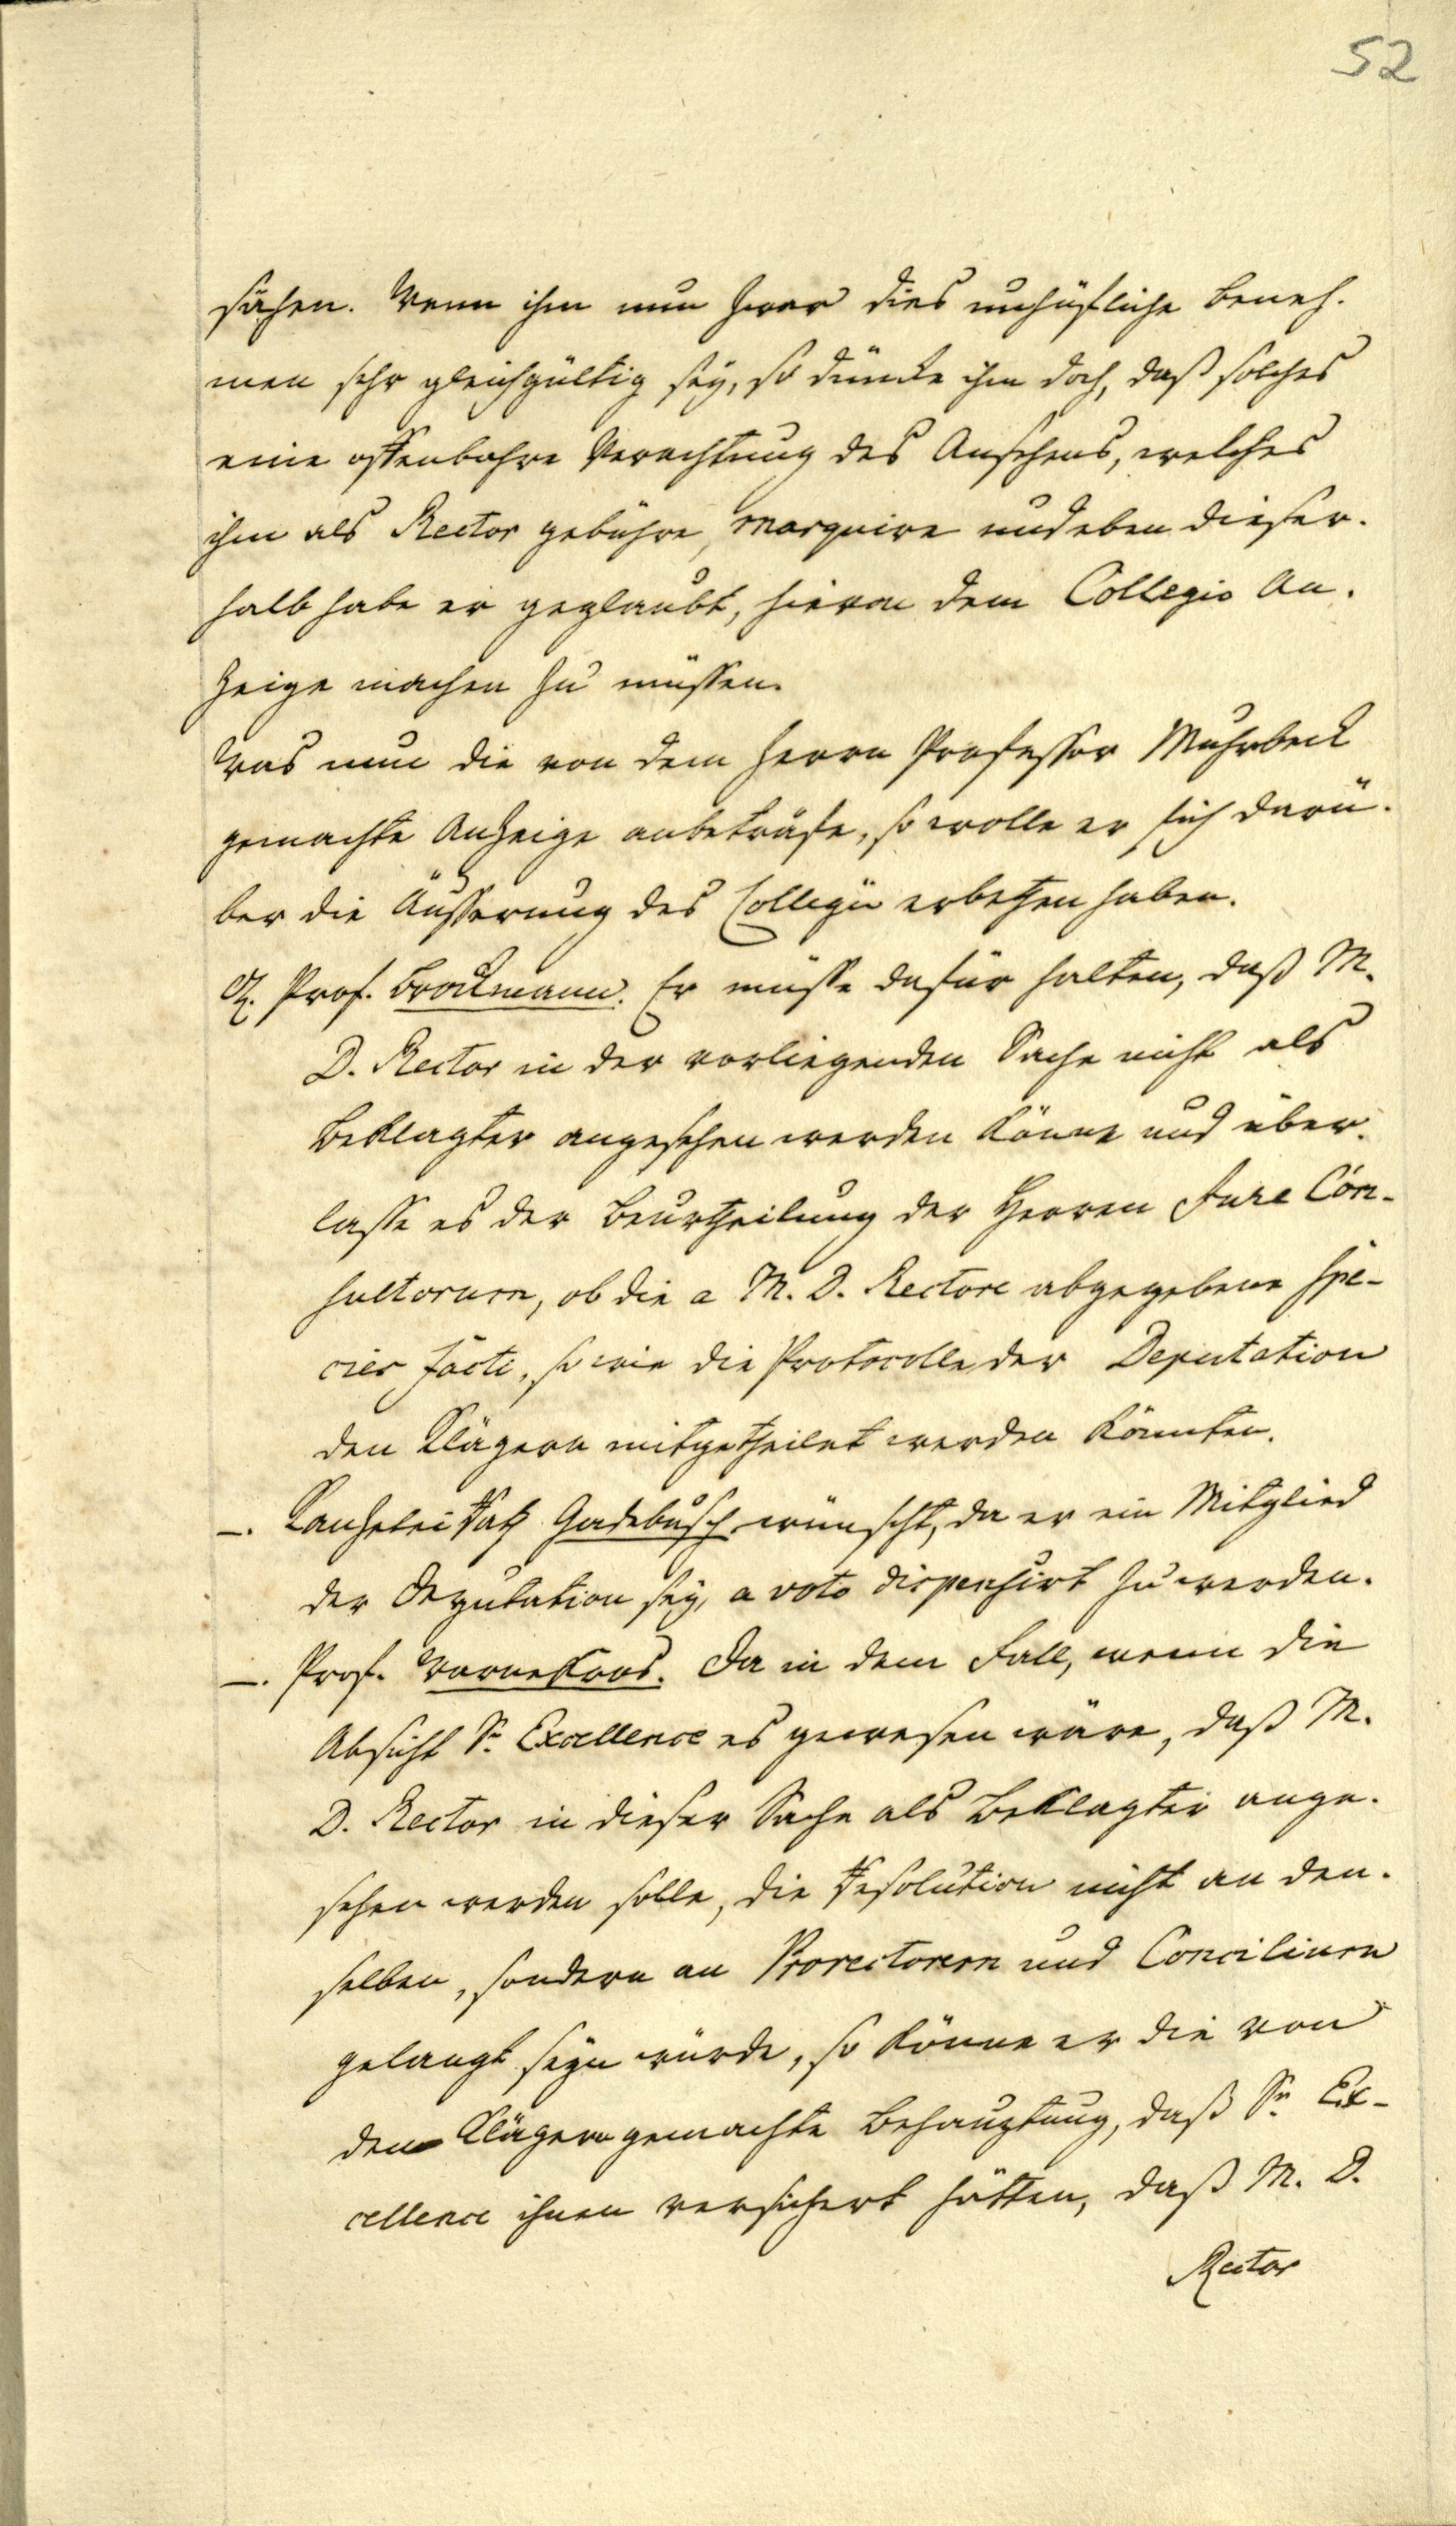sähen. Wenn ihm nun zwar des unhöfliche Beneh¬
men sehr gleichgültig seÿ, so düncke ihm doch, daß solches
eine offenbahre Verachtung des Ansehens, welches
ihm als Rector gebühre, marquire und eben dieser¬
halb habe er geglaubt, hievon dem Collegio An¬
zeige machen zu müssen.
Was nun die von dem Herrn Professor Muhrbeck
gemachte Anzeige anbeträfe, so wolle er sich darü¬
ber die Äusserung des Collegio erbethen haben.
dh. Prof. Brockmann. Er müsse dafür halten, daß M.
D. Rector in der vorliegenden Sache nicht als
Beklagter angesehen werden könne und über¬
lasse es der Beurtheilung der Herren Jure Con¬
sultorum, ob die a M. D. Rectore abgegebene spe¬
cies facti, so wie die Protocolle der Deputation
den Klägern mitgetheilet werden könnten.
— KanzeleiRath Gadebusch wünscht, da er ein Mitglied
der Deputation seÿ, a voto dispensirt zu werden.
. Prof. Warnekros. Da in dem Fall, wenn die
Absicht Sr Excellence es gewesen wäre, daß M.
D. Rector in dieser Sache als Beklagter ange¬
sehen werden solle, die Resolution nicht an den-
selben, sondern an Prorectorem und Concilium
gelangt seÿn würde, so könne er die von
den Klägern gemachte Behauptung, daß Sr. Ex¬
cellence ihnen versichert hätten, daß M. D.
Rector